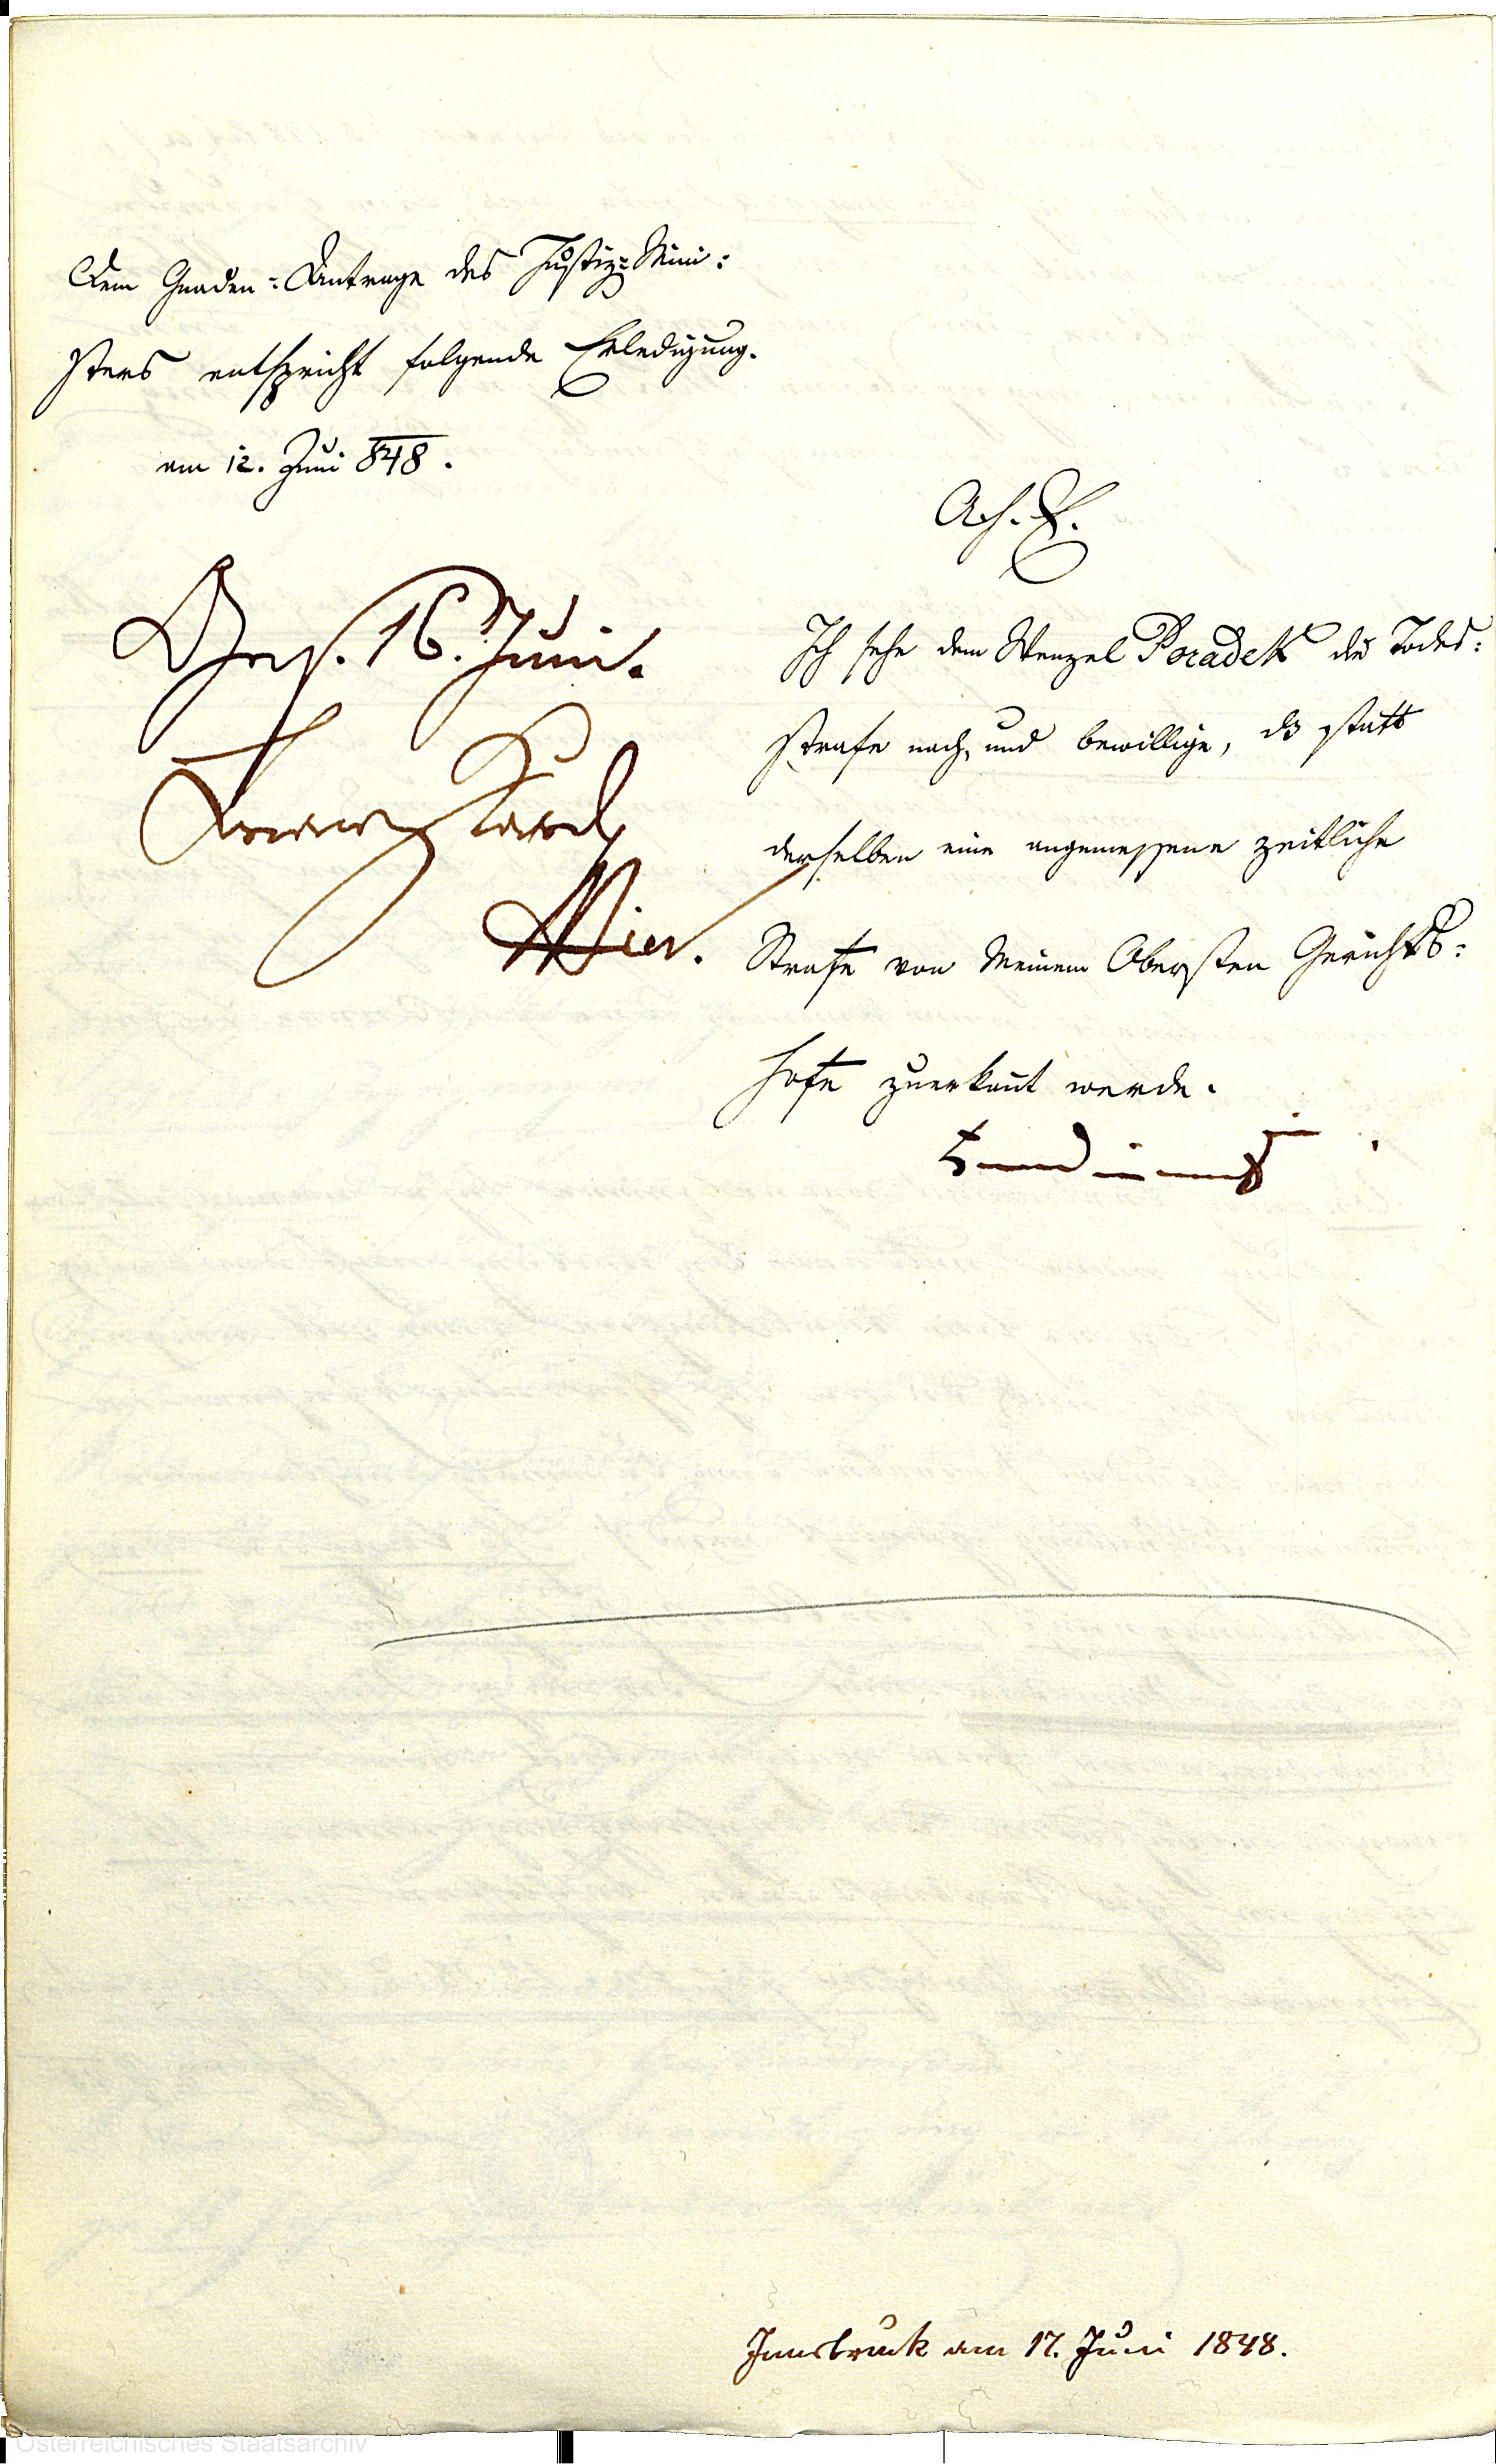Dem Gnaden-Antrage des Justiz-Mini¬
sters entspricht folgende Erledigung.
Am 12. Juni [1]848
Ges. 16 Juni
Frank Karl
Min.
AhE
Ich sehe dem Wenzel Poradek die Todes¬
strafe nach und bewillige, das statt
derselben eine angemessene zeitliche
Strafe von Meinem Obersten Gerichts¬
hofe zuerkannt werde.
Ferdinand
Innsbruck am 17. Juni 1848